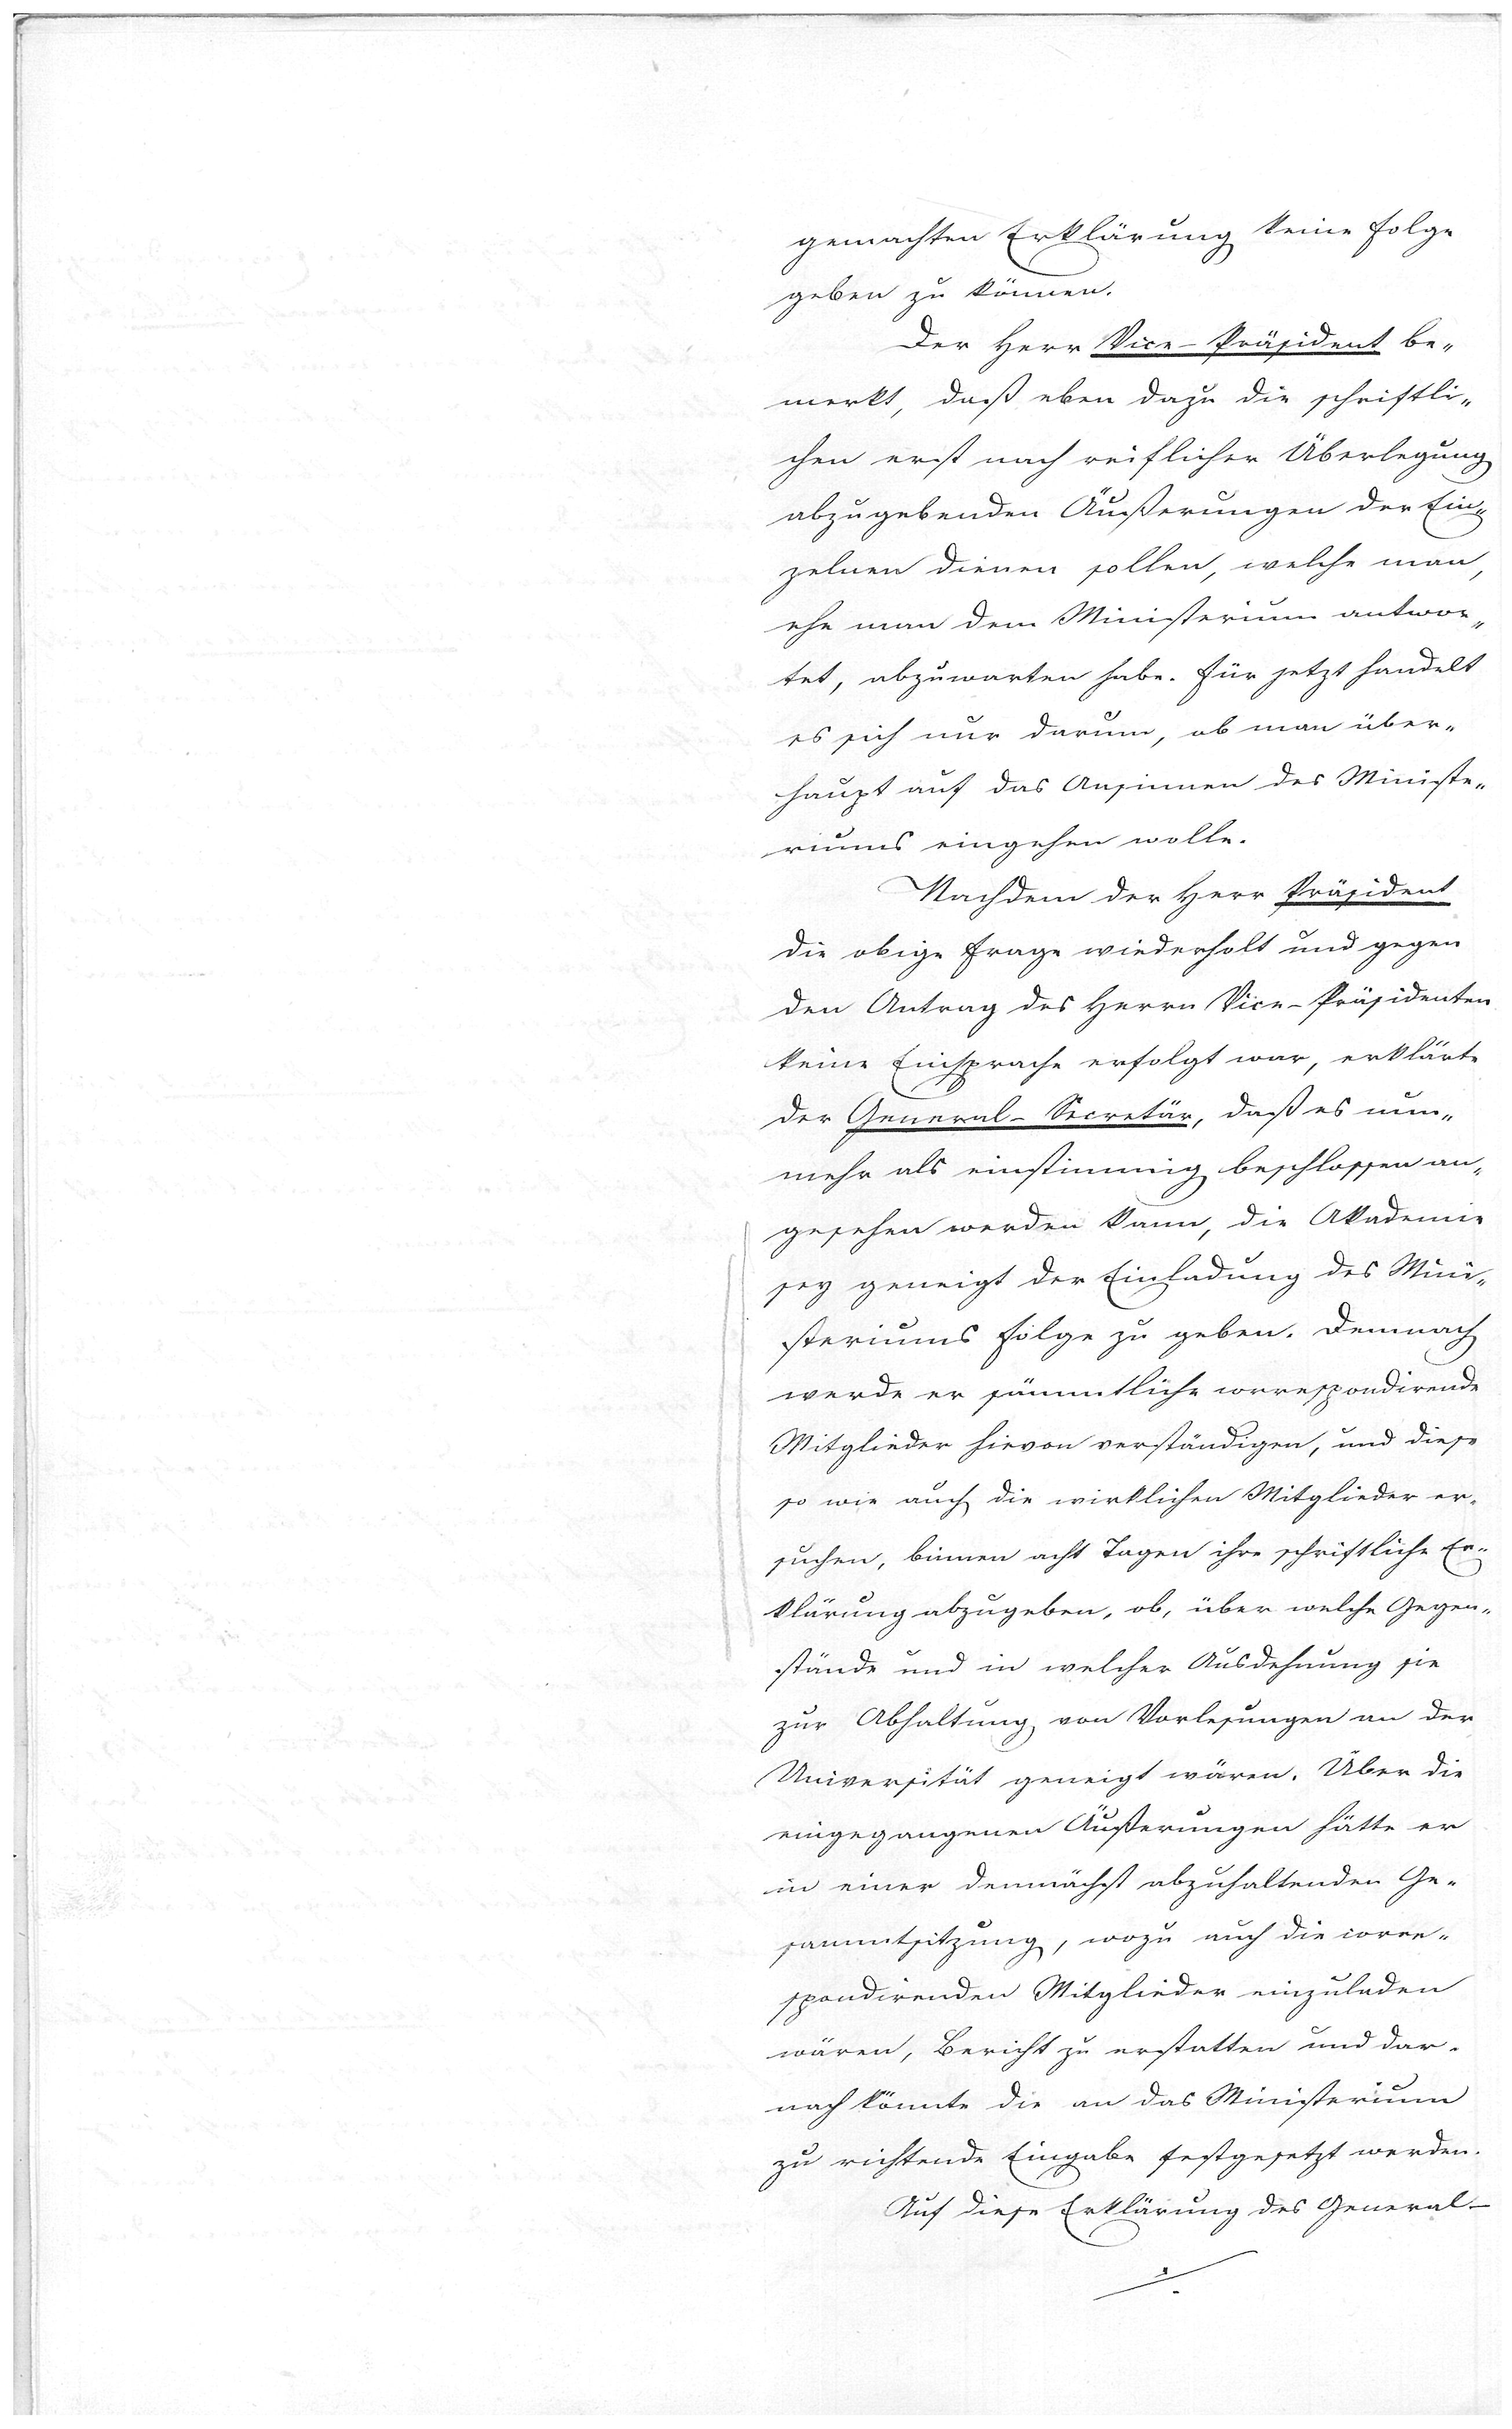gemachten Erklärung keine Folge
geben zu können.
Der Herr Vice-Präsident be-
merkt, daß eben dazu die schriftli-
chen erst nach reiflicher Überlegung
abzugebenden Äußerungen der Ein-
zelnen dienen sollen, welche man,
ehe man dem Ministerium antwor-
tet, abzuwarten habe. Für jetzt handelt
es sich nur darum, ob man über-
haupt auf das Ansinnen des Ministe-
riums eingehen wolle.
Nachdem der Herr Präsident
die obigen Frage wiederholt und gegen
den Antrag des Herrn Vice-Präsidenten
keine Einsprache erfolgte war, erklärte
der General-Secretär, daß es nun-
mehr als einstimmig beschlossen an-
gesehen werden kann, die Akademie
sey geneigt der Einladung des Mini-
steriums Folge zu geben. Demnach
werde er sämmtliche correspondirende
Mitglieder hievon verständigen, und diese
so wie auch die wirklichen Mitglieder er-
suchen, binnen acht Tagen ihre schriftliche Er-
klärung abzugeben, ob, über welche Gegen-
stände und in welcher Ausdehnung sie
zur Abhaltung von Vorlesungen an der
Universität geneigt wären. Über die
eingegangenen Äußerungen hätte er
in einer demnächst abzuhaltenden Ge-
sammtsitzung, wozu auch die corre-
spondirenden Mitglieder einzuladen
wären, Bericht zu erstatten und dar-
nach könnte die an des Ministerium
zu richtende Eingabe festgesetzt werden.
Auf diese Erklärung des General-